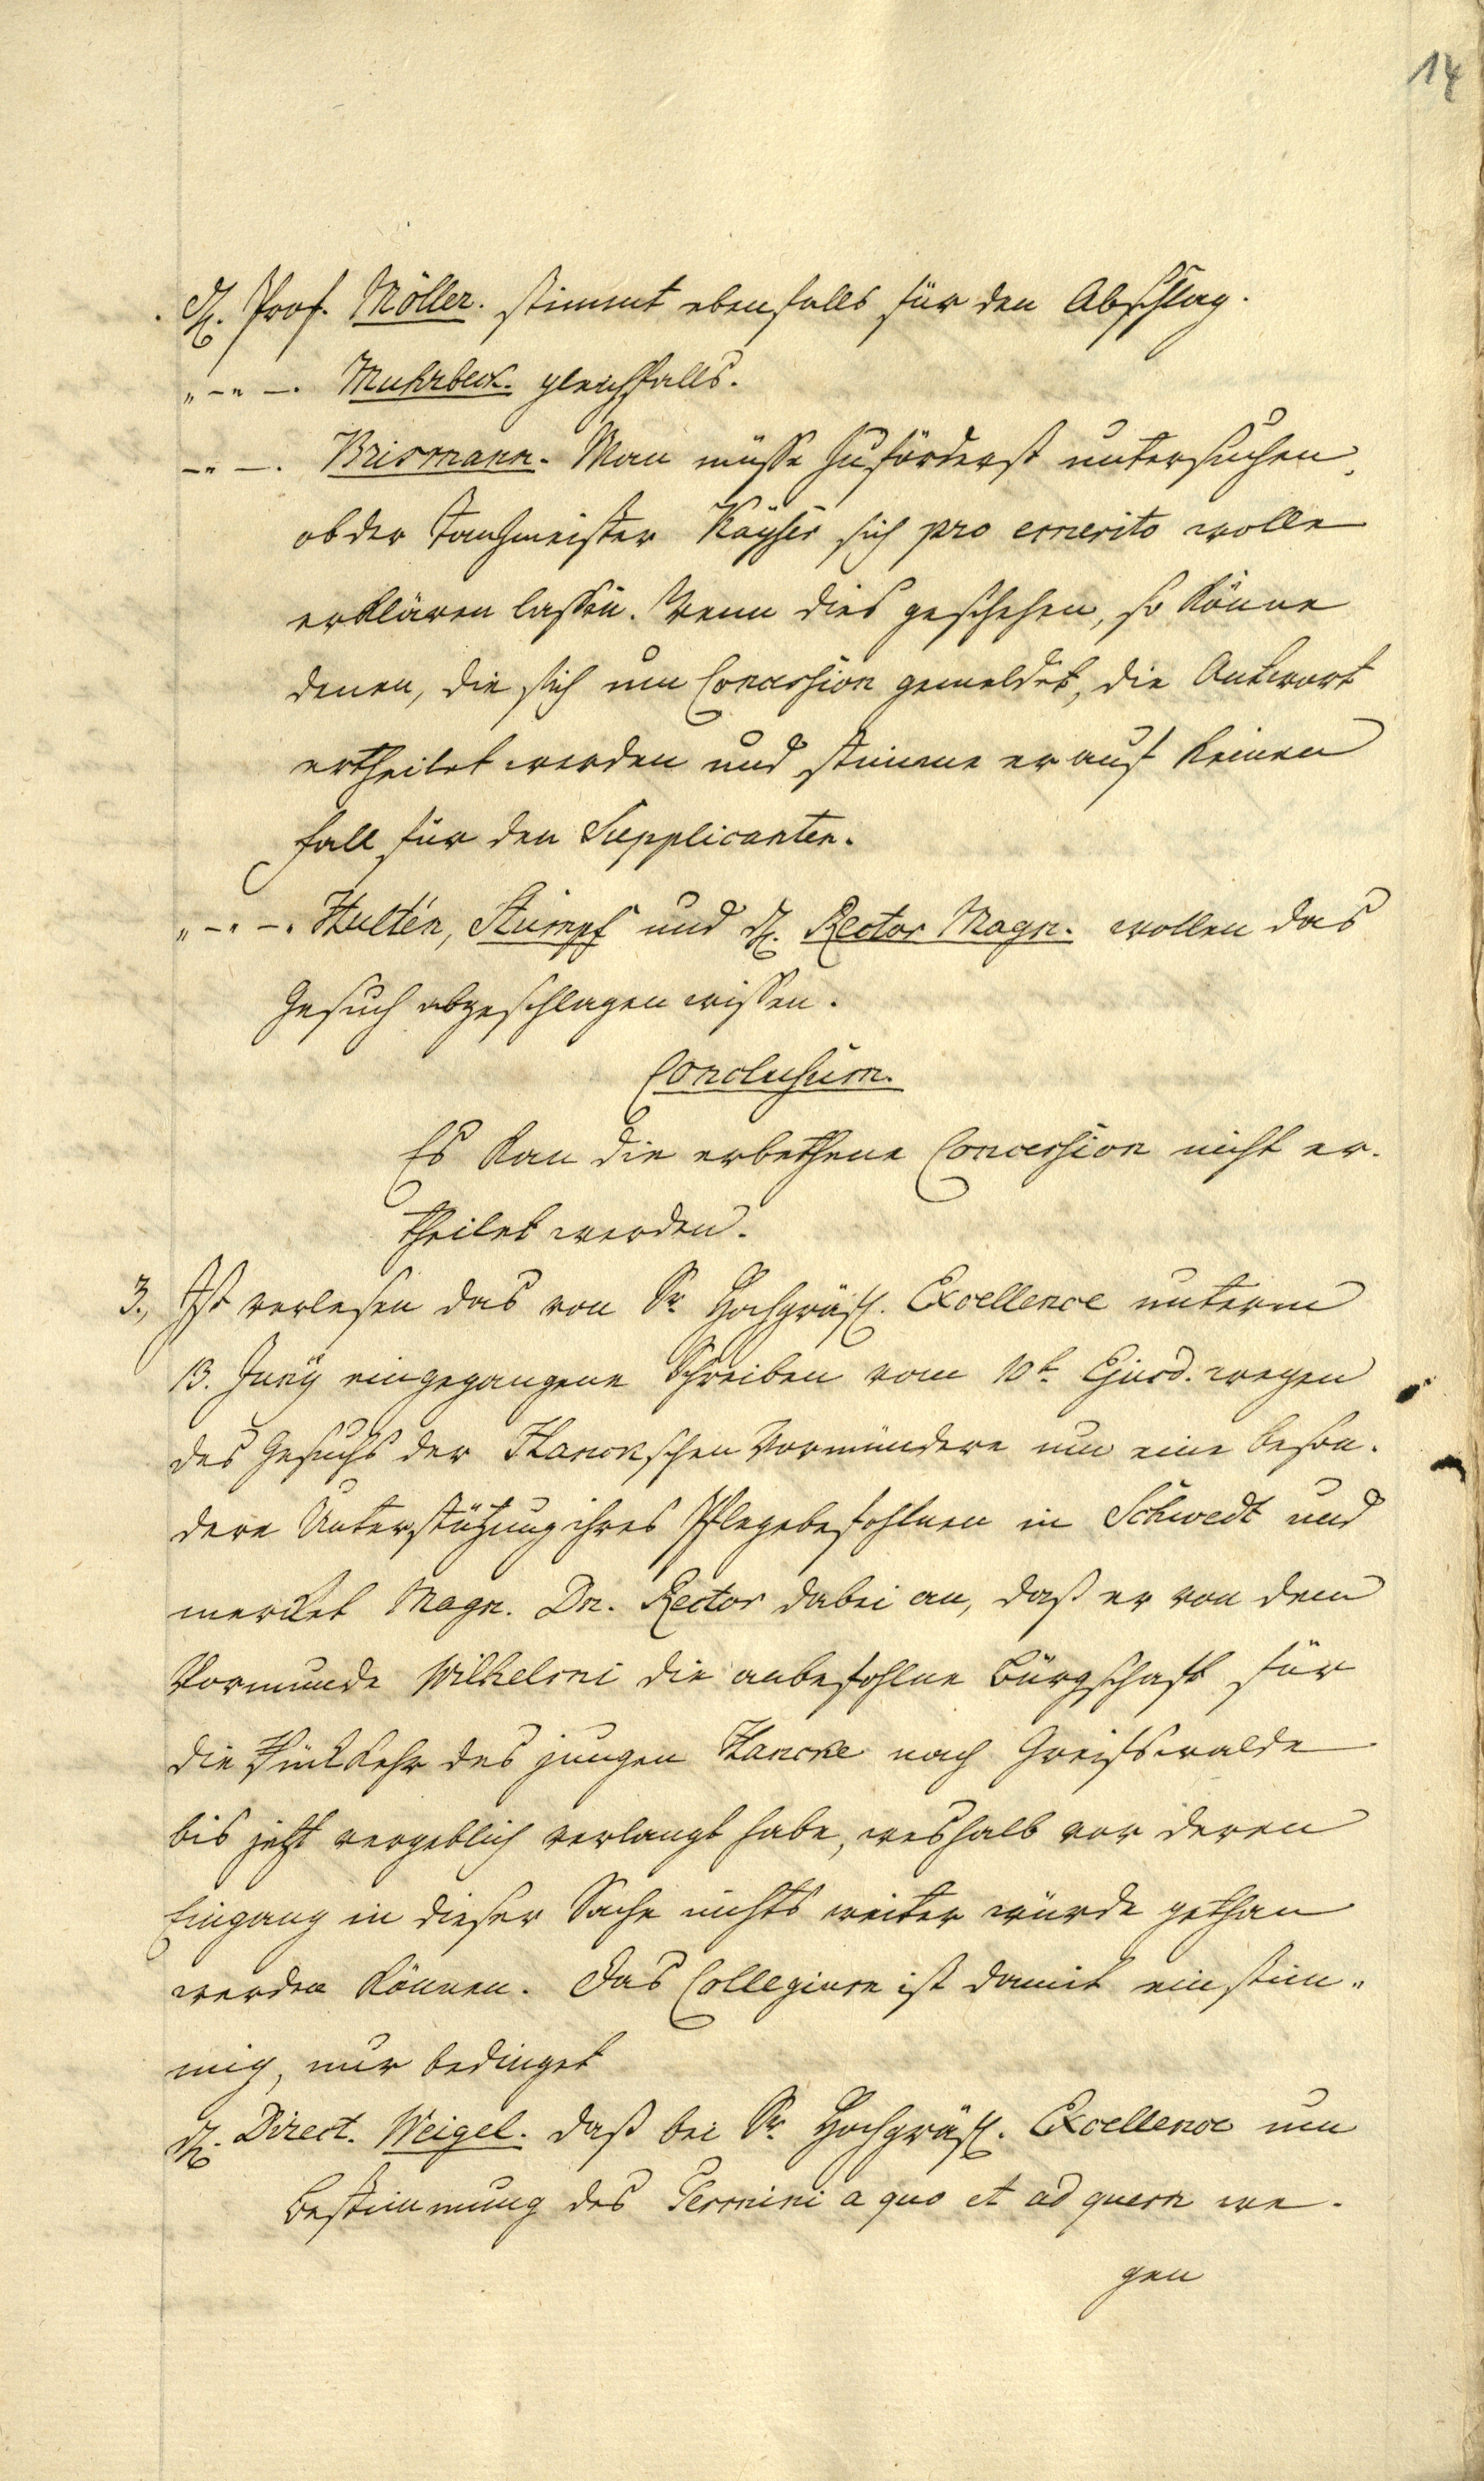d.h. Prof. Möller. stimmt ebenfalls für den Abschlag.
" - " - " Muhrbeck. gleichfalls.
- " - " Brismann. Man müsse zuföderst untersuchen,
ob der Tanzmeister Kayser sich pro emerito wolle
erklären lassen. Wenn dies geschehen, so könne
denen, die sich um Concession gemeldet, die Antwort
ertheilet werden und stimme er auf keinen
Fall für den Supplicanten.
" - " - " Hultén, Stumpf und d.h. Rector Magn. wollen das
Gesuch abgeschlagen wissen.
Conclusum.
Es kan die erbethene Concession nicht er-
theilet werden.
3., Ist verlesen das von Sr. Hochgräfl. Excellence unterm
13. Juny eingegangene Schreiben vom 10t. Ejusd. wegen
des Gesuchs der Hanckschen Vormündern um eine beson-
dere Unterstützung ihres Pfelegebefohlnen in Schwedt und
merket Magn. Dn. Rector dabei an, daß er von dem
Vormunde Wilhelmi die anbefohlne Bürgschaft für
die Rückkehr des jungen Hancke nach Greifswalde
bis jetzt vergeblich verlangt habe, weshalb vor deren
Eingang in dieser Sache nichts weiter würde gethan
werden können. Das Collegium ist damit einstim-
mig, nur bedinget
d.h. Direct. Weigel. daß bei Sr. Hochgräfl. Excellence um
Bestimmung des Termini a quo et ad quem we-
gen